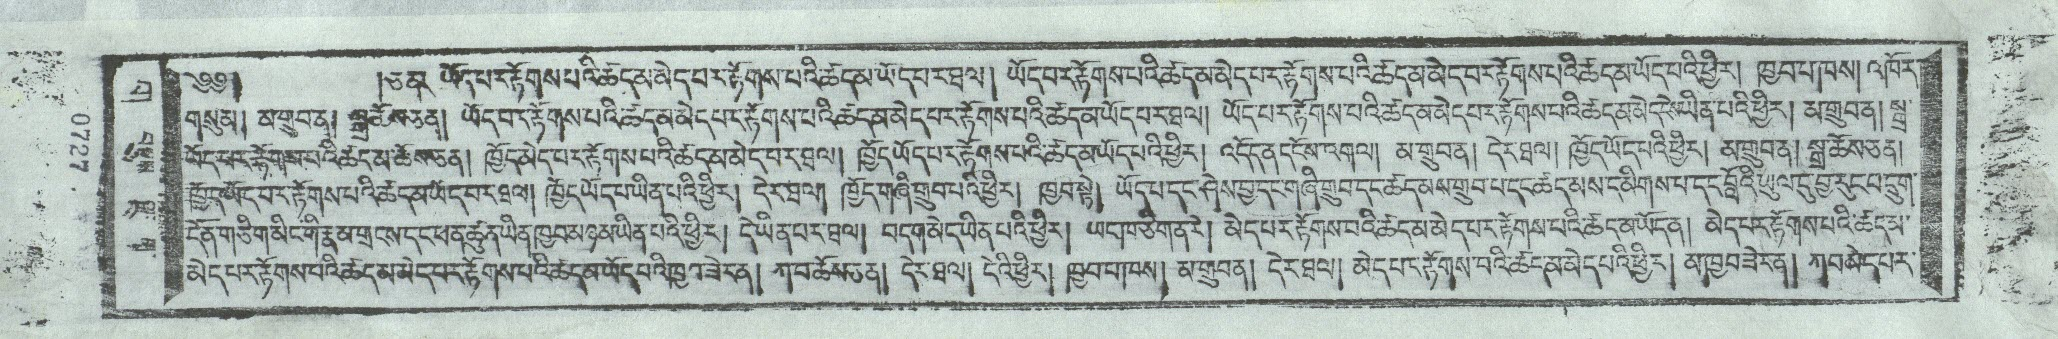༄༅། །ཅན༑ ཡོད་པར་རྟོགས་པའི་ཚད་མ་མེད་པར་རྟོགས་པའི་ཚད་མ་ཡོད་པར་ཐལ། ཡོད་པར་རྟོགས་པའི་ཚད་མ་མེད་པར་རྟོགས་པའི་ཚད་མ་མེད་པར་རྟོགས་པའི་ཚད་མ་ཡོད་པའི་ཕྱིར། ཁྱབ་པ་ཁས། འཁོར་
གསུམ། མ་གྲུབ་ན། སྒྲ་ཆོས་ཅན། ཡོད་པར་རྟོགས་པའི་ཚད་མ་མེད་པར་རྟོགས་པའི་ཚད་མ་མེད་པར་རྟོགས་པའི་ཚད་མ་ཡོད་པར་ཐལ། ཡོད་པར་རྟོགས་པའི་ཚད་མ་མེད་པར་རྟོགས་པའི་ཚད་མ་མེད་ངེས་ཡིན་པའི་ཕྱིར། མ་གྲུབ་ན། སྒྲ་
ཡོད་པར་རྟོགས་པའི་ཚད་མ་ཆོས་ཅན། ཁྱོད་མེད་པར་རྟོགས་པའི་ཚད་མ་མེད་པར་ཐལ། ཁྱོད་ཡོད་པར་རྟོགས་པའི་ཚད་མ་ཡོད་པའི་ཕྱིར། འདོད་ན་དངོས་འགལ། མ་གྲུབ་ན། དེར་ཐལ། ཁྱོད་ཡོད་པའི་ཕྱིར། མ་གྲུབ་ན། སྒྲ་ཆོས་ཅན།
ཁྱོད་ཡོད་པར་རྟོགས་པའི་ཚད་མ་ཡོད་པར་ཐལ། ཁྱོད་ཡོད་པ་ཡིན་པའི་ཕྱིར། དེར་ཐལ། ཁྱོད་གཞི་གྲུབ་པའི་ཕྱིར། ཁྱབ་སྟེ། ཡོད་པ་དང་ཤེས་བྱ་དང་གཞི་གྲུབ་དང་ཚད་མས་གྲུབ་པ་དང་ཚད་མས་དམིགས་པ་དང་བློའི་ཡུལ་དུ་བྱ་རུང་བ་དྲུག་
དོན་གཅིག་མིང་གི་རྣམ་གྲངས་དང་ཕན་ཚུན་ཡིན་ཁྱབ་མཉམ་ཡིན་པའི་ཕྱིར། དེ་ཡིན་པར་ཐལ། བདག་མེད་ཡིན་པའི་ཕྱིར། ཡང་ཁ་ཅིག་ན་རེ། མེད་པར་རྟོགས་པའི་ཚད་མ་མེད་པར་རྟོགས་པའི་ཚད་མ་ཡོད་ན། མེད་པར་རྟོགས་པའི་ཚད་མ་
མེད་པར་རྟོགས་པའི་ཚད་མ་མེད་པར་རྟོགས་པའི་ཚད་མ་ཡོད་པའི་ཁྱབ་ཟེར་ན། ཀ་བ་ཆོས་ཅན། དེར་ཐལ། དེའི་ཕྱིར། ཁྱབ་པ་ཁས། མ་གྲུབ་ན། དེར་ཐལ། མེད་པར་རྟོགས་པའི་ཚད་མ་མེད་པའི་ཕྱིར། མ་ཁྱབ་ཟེར་ན། ཀ་བ་མེད་པར་